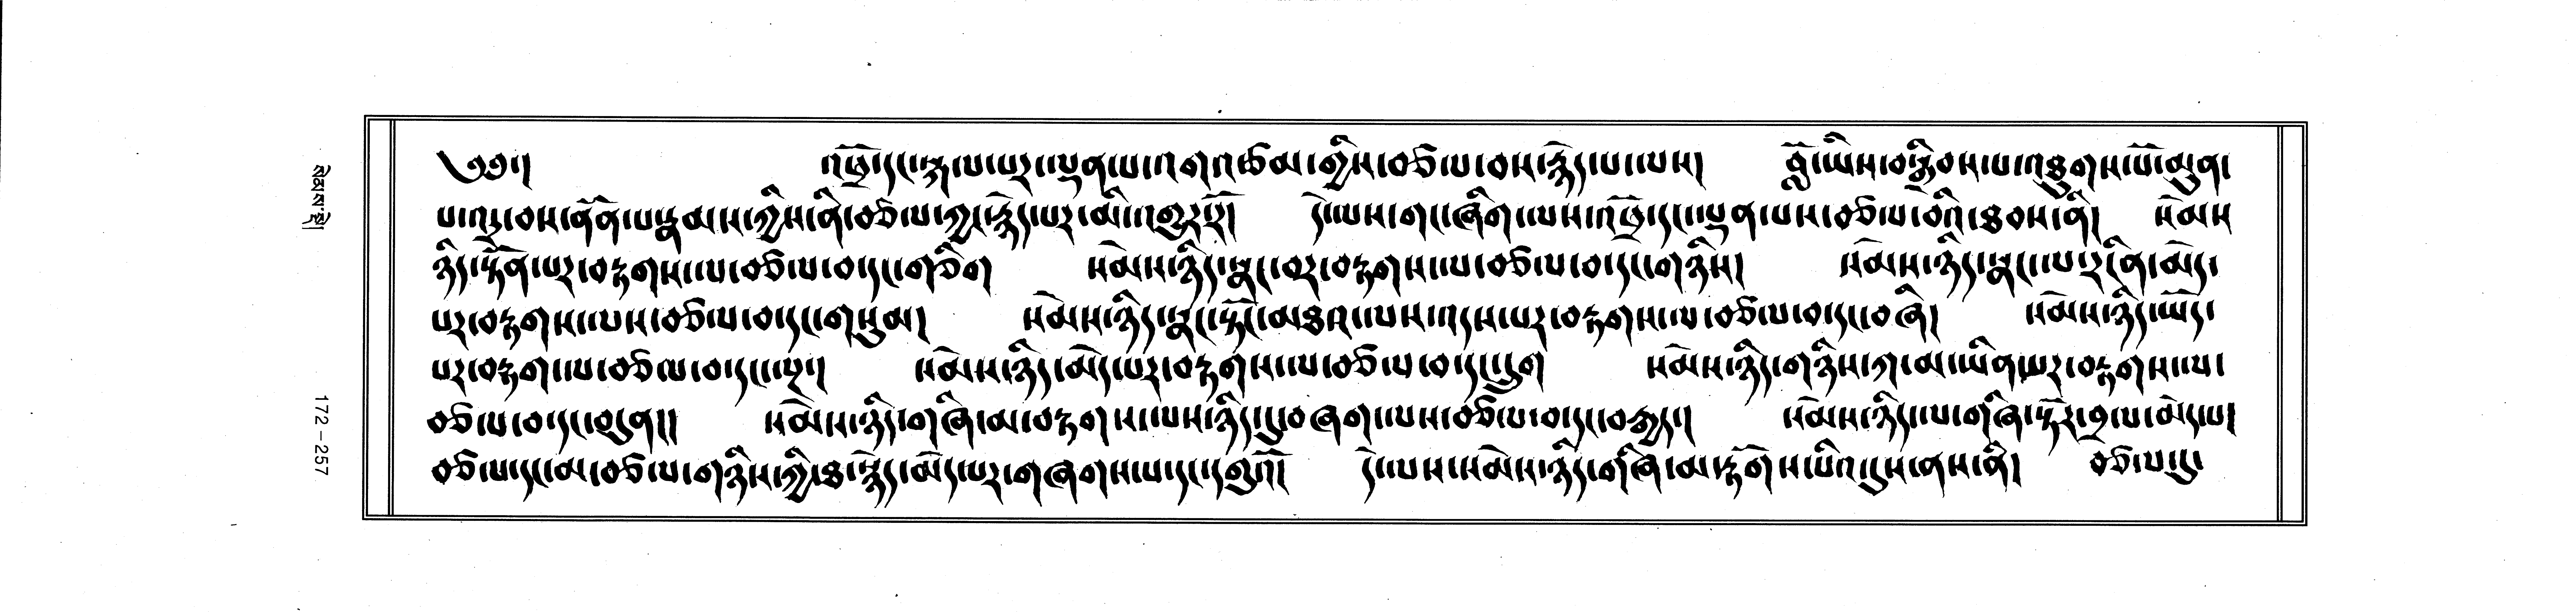འཕྲོ་དང་སྐལ་པར་ལྡན་པ་འགའ་ཙམ་གྱིས་བཙལ་བས་རྙེད་པ་ལས། བློ་ཡིས་བསྒྲིབས་པ་འཐུགས་པོ་མུན་
པ་འདྲ་བས་ནོན་པ་རྣམས་ཀྱིས་ནི་བཙལ་ཀྱང་རྙེད་པར་མི་འགྱུར་རོ། དེ་ལས་གང་ཞིག་ལས་འཕྲོ་དང་ལྡན་པས་བཙལ་བའི་ཐབས་ནི། སེམས་
ཉིད་སྟོན་པར་བརྟགས་ལ་བཙལ་བ་དང་གཅིག སེམས་ཉིད་སྣང་བར་བརྟགས་ལ་བཙལ་བ་དང་གཉིས། སེམས་ཉིད་སྣང་ལ་རང་བཞིན་མེད་
པར་བརྟགས་ལས་བཙལ་བ་དང་གསུམ། སེམས་ཉིད་སྣང་སྟོང་མཐའ་ལས་འདས་པར་བརྟགས་ལ་བཙལ་བ་དང་བཞི། སེམས་ཉིད་ཡོད་
པར་བརྟགས་ལ་བཙལ་བ་དང་ལྔ། སེམས་ཉིད་མེད་པར་བརྟགས་ལ་བཙལ་བ་དང་དྲུག སེམས་ཉིད་གཉིས་ཀ་མ་ཡི་པར་བརྟགས་ལ་
བཙལ་བ་དང་བདུན། སེམས་ཉིད་གཞི་མ་བརྟགས་ལས་ཉིད་དུ་གཞག་ལས་བཙལ་བ་དང་བརྒྱད། སེམས་ཉིད་ལ་གཞི་སྟོར་བྲལ་མེད་པ་
བཙལ་དང་མ་བཙལ་གཉིས་ཀྱི་ཐ་སྙད་མེད་པར་གཞག་པ་དང་དགུའོ། དེ་ལས་སེམས་ཉིད་གཞི་མ་རྟོགས་པའི་དུས་ནས་ནི། བཙལ་དུ་ཡང་